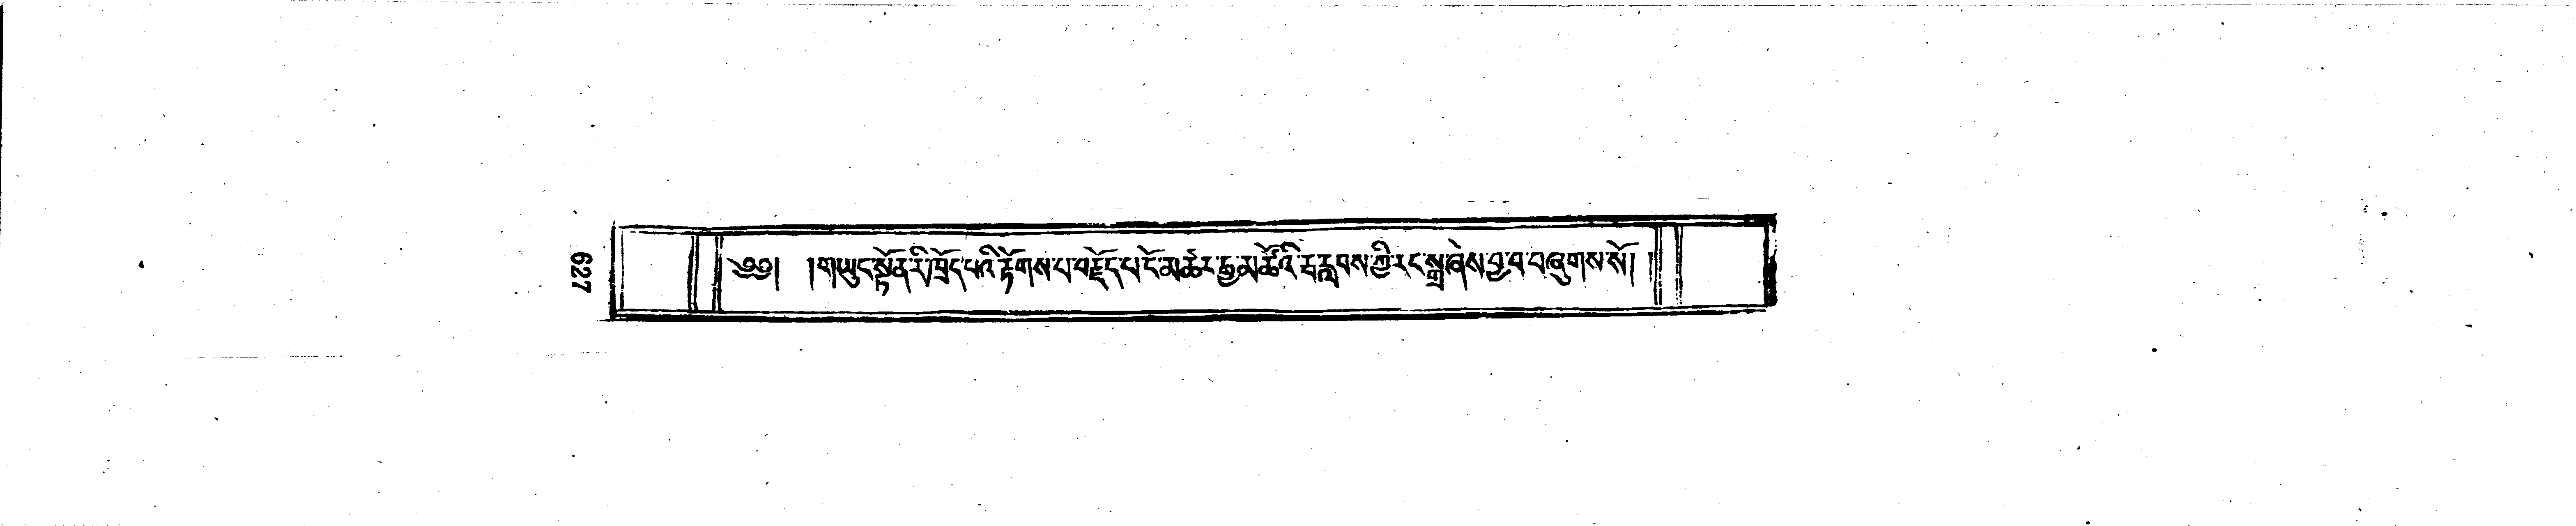༄༅། །གཡུང་སྟོན་རི་ཁྲོད་པའི་རྟོགས་པ་བརྗོད་པ་ངོ་མཚར་རྒྱ་མཚོའི་རྦ་རླབས་ཀྱི་རང་སྒྲ་ཞེས་བྱ་བ་བཞུགས་སོ། །